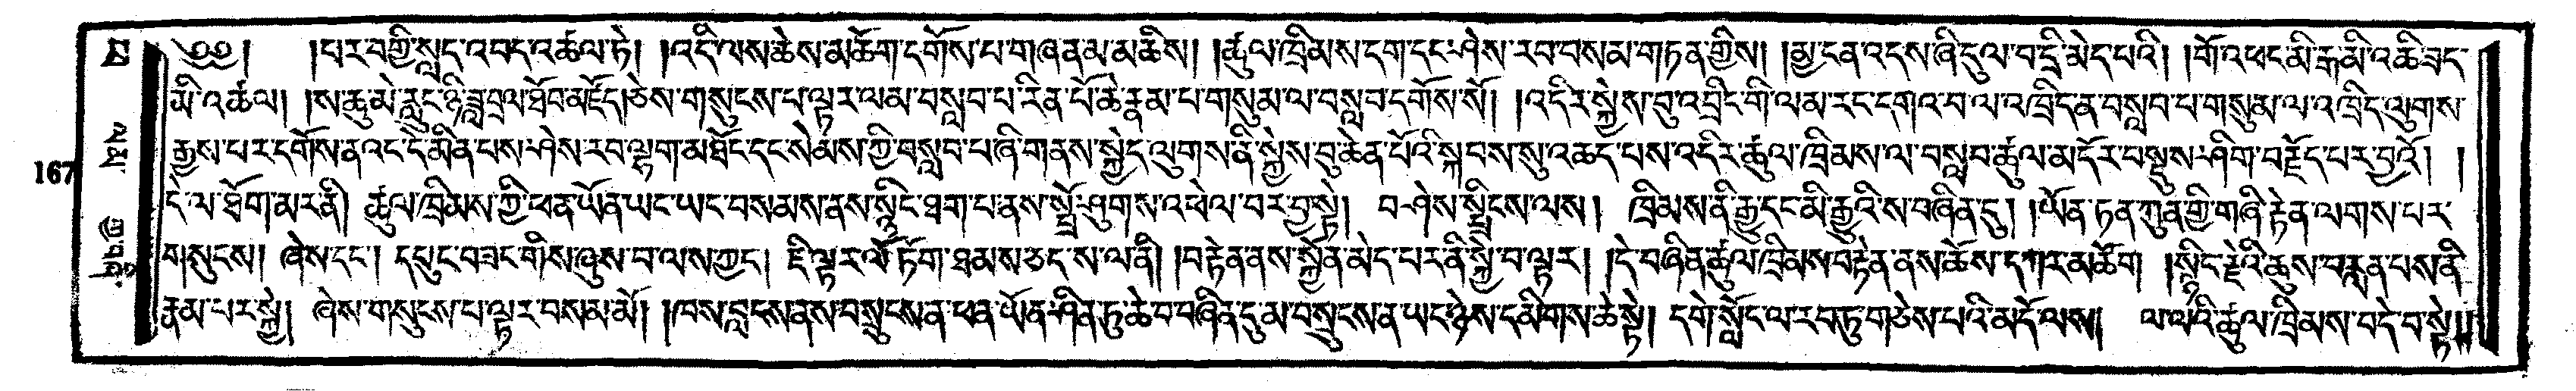༄༅། །པར་བགྱི་སླད་འབད་འཚལ་ཏེ། །འདི་ལས་ཆེས་མཆོག་དགོས་པ་གཞན་མ་མཆིས། །ཚུལ་ཁྲིམས་དག་དང་ཤེས་རབ་བསམ་གཏན་གྱིས། །མྱ་ངན་འདས་ཞི་དུལ་བ་དྲི་མེད་པའི། །གོ་འཕང་མི་རྒ་མི་འཆི་ཟད་
མི་འཚལ། །ས་ཆུ་མེ་རླུང་ཉི་ཟླ་བྲལ་ཐོབ་མཛོད། ཅེས་གསུངས་པ་ལྟར་ལམ་བསླབ་པ་རིན་པོ་ཆེ་རྣམ་པ་གསུམ་ལ་བསླབ་དགོས་སོ། །འདིར་སྐྱེས་བུ་འབྲིང་གི་ལམ་རང་དགའ་བ་ལ་འཁྲིད་ན་བསླབ་པ་གསུམ་ལ་འཁྲིད་ལུགས་
རྒྱས་པར་དགོས་ནའང་དེ་མིན་པས་ཤེས་རབ་ལྷག་མཐོང་དང་སེམས་ཀྱི་བསླབ་པ་ཞི་གནས་སྐྱེད་ལུགས་ནི་སྐྱེས་བུ་ཆེན་པོའི་སྐབས་སུ་འཆད་པས་འདིར་ཚུལ་ཁྲིམས་ལ་བསླབ་ཚུལ་མདོར་བསྡུས་ཤིག་བརྗོད་པར་བྱའོ། །
དེ་ལ་ཐོག་མར་ནི། ཚུལ་ཁྲིམས་ཀྱི་ཕན་ཡོན་ཡང་ཡང་བསམས་ནས་སྙིང་ཐག་པ་ནས་སྤྲོ་ཤུགས་འཕེལ་བར་བྱ་སྟེ། བཤེས་སྤྲིངས་ལས། ཁྲིམས་ནི་རྒྱུ་དང་མི་རྒྱུའི་ས་བཞིན་དུ། ། ཡོན་ཏན་ཀུན་གྱི་གཞི་རྟེན་ལགས་པར་
གསུངས། ཞེས་དང་། དཔུང་བཟང་གིས་ཞུས་བ་ལས་ཀྱང་། ཇི་ལྟར་ལོ་ཏོག་ཐམས་ཅད་ས་ལ་ནི། །བརྟེན་ནས་སྐྱོན་མེད་པར་ནི་སྐྱེ་བ་ལྟར། །དེ་བཞིན་ཚུལ་ཁྲིམས་བརྟེན་ནས་ཆོས་དཀར་མཆོག །སྙིང་རྗེའི་ཆུས་བརླན་པས་ནི་
རྣམ་པར་སྐྱེ། ཞེས་གསུངས་པ་ལྟར་བསམ་མོ། །ཁས་བླངས་ནས་བསྲུངས་ན་ཕན་ཡོན་ཤིན་ཏུ་ཆེ་བ་བཞིན་དུ་མ་བསྲུངས་ན་ཡང་ཉེས་དམིགས་ཆེ་སྟེ། དགེ་སློང་ལ་རབ་ཏུ་གཅེས་པའི་མདོ་ལས། ལ་ལའི་ཚུལ་ཁྲིམས་བདེ་བ་སྟེ།།